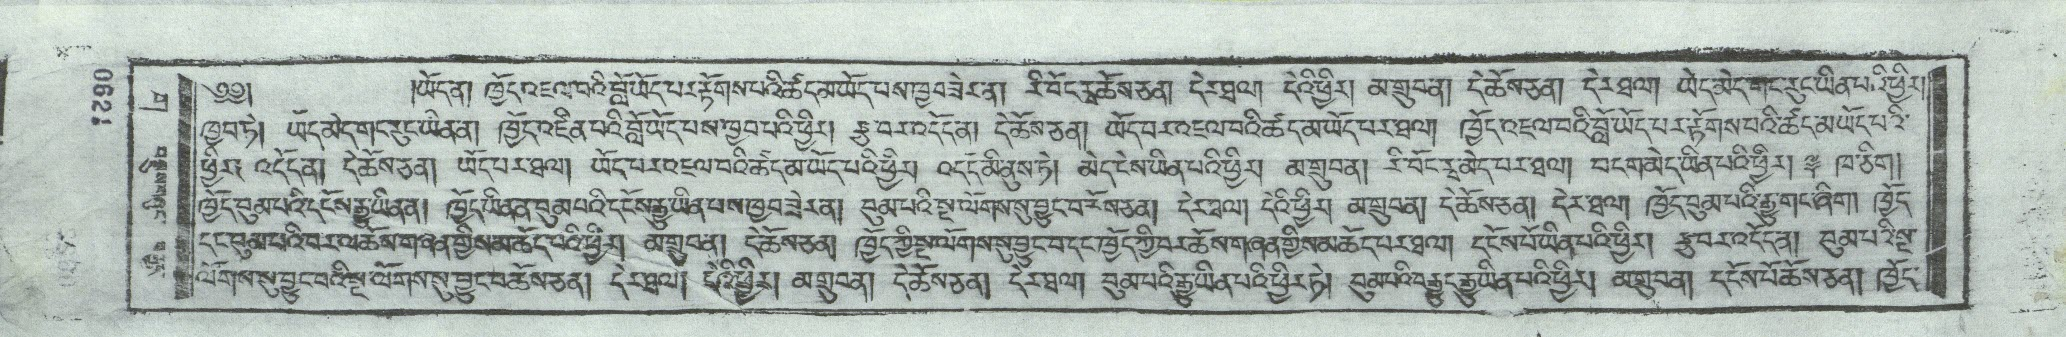༄༅། །ཡོད་ན། ཁྱོད་འཇལ་བའི་བློ་ཡོད་པར་རྟོགས་པའི་ཚད་མ་ཡོད་པས་ཁྱབ་ཟེར་ན། རི་བོང་རྭ་ཆོས་ཅན། དེར་ཐལ། དེའི་ཕྱིར། མ་གྲུབ་ན། དེ་ཆོས་ཅན། དེར་ཐལ། ཡོད་མེད་གང་རུང་ཡིན་པའི་ཕྱིར།
ཁྱབ་ཏེ། ཡོད་མེད་གང་རུང་ཡིན་ན། ཁྱོད་འཛིན་པའི་བློ་ཡོད་པས་ཁྱབ་པའི་ཕྱིར། རྩ་བར་འདོད་ན། དེ་ཆོས་ཅན། ཡོད་པར་འཇལ་བའི་ཚད་མ་ཡོད་པར་ཐལ། ཁྱོད་འཇལ་བའི་བློ་ཡོད་པར་རྟོགས་པའི་ཚད་མ་ཡོང་པའི་
ཕྱིར༑ འདོད་ན། དེ་ཆོས་ཅན། ཡོད་པར་ཐལ། ཡོད་པར་འཇལ་བའི་ཚད་མ་ཡོད་པའི་ཕྱིར། འདོད་མི་ནུས་ཏེ། མེད་ངེས་ཡིན་པའི་ཕྱིར། མ་གྲུབ་ན། རི་བོང་རྭ་མེད་པར་ཐལ། བདག་མེད་ཡིན་པའི་ཕྱིར། ༈ ཁ་ཅིག།
ཁྱོད་བུམ་པའི་དངོས་རྒྱུ་ཡིན་ན། ཁྱོད་ཡིན་ན་བུམ་པའི་དངོས་རྒྱུ་ཡིན་པས་ཁྱབ་ཟེར་ན། བུམ་པའི་སྔ་ལོགས་སུ་བྱུང་བ་ཆོས་ཅན། དེར་ཐལ། དེའི་ཕྱིར། མ་གྲུབ་ན། དེ་ཆོས་ཅན། དེར་ཐལ། ཁྱོད་བུམ་པའི་རྒྱུ་གང་ཞིག། ཁྱོད་
དང་བུམ་པའི་བར་ལ་ཆོས་གཞན་གྱིས་མཆོད་པའི་ཕྱིར། མ་གྲུབ་ན། དེ་ཆོས་ཅན། ཁྱོད་ཀྱི་སྔ་ལོགས་སུ་བྱུང་བ་དང་ཁྱོད་ཀྱི་བར་ཆོས་གཞན་གྱིས་མཆོད་པར་ཐལ། དངོས་པོ་ཡིན་པའི་ཕྱིར། རྩ་བར་འདོད་ན། བུམ་པའི་སྔ་
ལོགས་སུ་བྱུང་བའི་སྔ་ལོགས་སུ་བྱུང་བ་ཆོས་ཅན། དེར་ཐལ། དེའི་ཕྱིར། མ་གྲུབ་ན། དེ་ཆོས་ཅན། དེར་ཐལ། བུམ་པའི་རྒྱུ་ཡིན་པའི་ཕྱིར་ཏེ། བུམ་པའི་བརྒྱུད་རྒྱུ་ཡིན་པའི་ཕྱིར། མ་གྲུབ་ན། དངོས་པོ་ཆོས་ཅན། ཁྱོད་